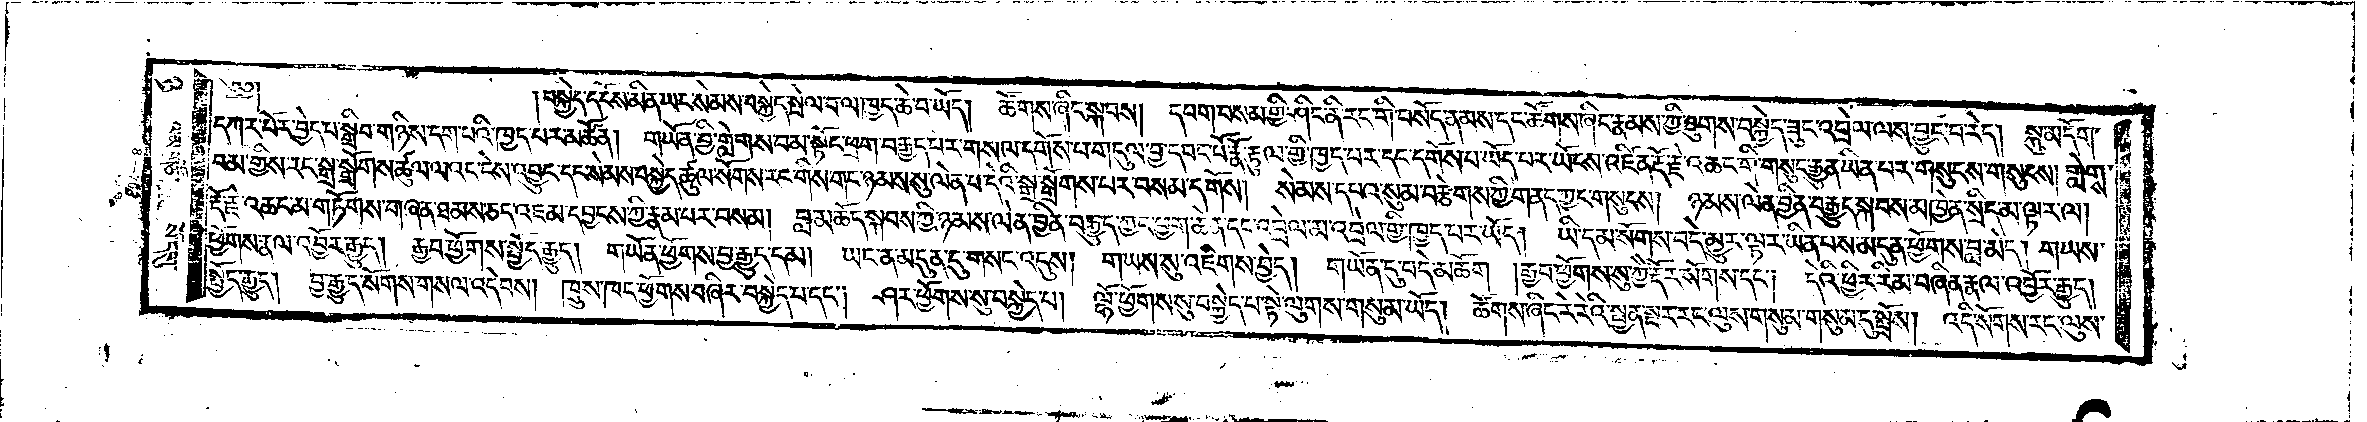༄༅། །བསྐྱེད་དངོས་མིན་ཡང་སེམས་བསྐྱེད་སྤེལ་བ་ལ་ཁྱད་ཆེ་བ་ཡོད། ཚོགས་ཞིང་སྐབས། དཔག་བསམ་གྱི་ཤིང་ནི་རང་གི་བསོད་ནམས་དང་ཚོགས་ཞིང་རྣམས་ཀྱི་ཐུགས་བསྐྱེད་ཟུང་འབྲེལ་ལས་བྱུང་བ་རེད། སྐུ་མདོག་
དཀར་པོར་བྱེད་པ་སྒྲིབ་གཉིས་དག་པའི་ཁྱད་པར་མཚོན། གཡོན་གྱི་གླེགས་བམ་སྟོང་ཕྲག་བརྒྱད་པར་གསལ་དགོས་པ་གདུལ་བྱ་དབང་པོ་རྣོ་རྟུལ་གྱི་ཁྱད་པར་དང་དགོས་པ་ཡོད་པར་ཡོངས་འཛིན་རྡོ་རྗེ་འཆང་གི་གསུང་རྒྱུན་ཡིན་པར་གསུངས་གསུངས། གླེགས་
བམ་གྱིས་རང་སྒྲ་སྒྲོགས་ཚུལ་ལའང་ངེས་འབྱུང་དང་སེམས་བསྐྱེད་ཚུལ་སོགས་རང་གིས་གང་ཉམས་སུ་ལེན་པ་དེའི་སྒྲ་སྒྲོགས་པར་བསམ་དགོས། སེམས་དཔའ་སུམ་བརྩེགས་ཀྱི་གནད་ཀྱང་གསུངས། ཉམས་ལེན་བྱིན་བརྒྱུད་སྐབས་མཁྱེན་སྲིད་མ་ལྟར་ལ།
རྡོ་རྗེ་འཆང་མ་གཏོགས་གཞན་ཐམས་ཅད་འཇམ་དབྱངས་ཀྱི་རྣམ་པར་བསམ། བླ་མཆོད་སྐབས་ཀྱི་ཉམས་ལེན་བྱིན་བརྒྱུད་ཀྱང་ཕྱག་ཆེན་དང་འབྲེལ་མ་འབྲེལ་གྱི་ཁྱད་པར་ཡོད། ཡི་དམ་སོགས་བདེ་མྱུར་ལྟར་ཡིན་པས་མདུན་ཕྱོགས་བླ་མེད། གཡས་
ཕྱོགས་རྣལ་འབྱོར་རྒྱུད། རྒྱབ་ཕྱོགས་སྤྱོད་རྒྱུད། གཡོན་ཕྱོགས་བྱ་རྒྱུད་དམ། ཡང་ན་མདུན་དུ་གསང་འདུས། གཡས་སུ་འཇིགས་བྱེད། ག་ཡོན་དུ་བདེ་མཆོག །རྒྱབ་ཕྱོགས་སུ་ཀྱཻ་རྡོར་སོགས་དང་། དེའི་ཕྱིར་རིམ་བཞིན་རྣལ་འབྱོར་རྒྱུད།
སྤྱོད་རྒྱུད། བྱ་རྒྱུད་སོགས་གསལ་འདེབས། ཁྲུས་ཁང་ཕྱོགས་བཞིར་བསྐྱེད་པ་དང་། ཤར་ཕྱོགས་སུ་བསྐྱེད་པ། ལྷོ་ཕྱོགས་སུ་བསྐྱེད་པ་སྟེ་ལུགས་གསུམ་ཡོད། ཚོགས་ཞིང་རེ་རེའི་སྤྱན་སྔར་རང་ལུས་གསུམ་གསུམ་དུ་སྤྲོས། འདི་སོགས་རང་ལུས་